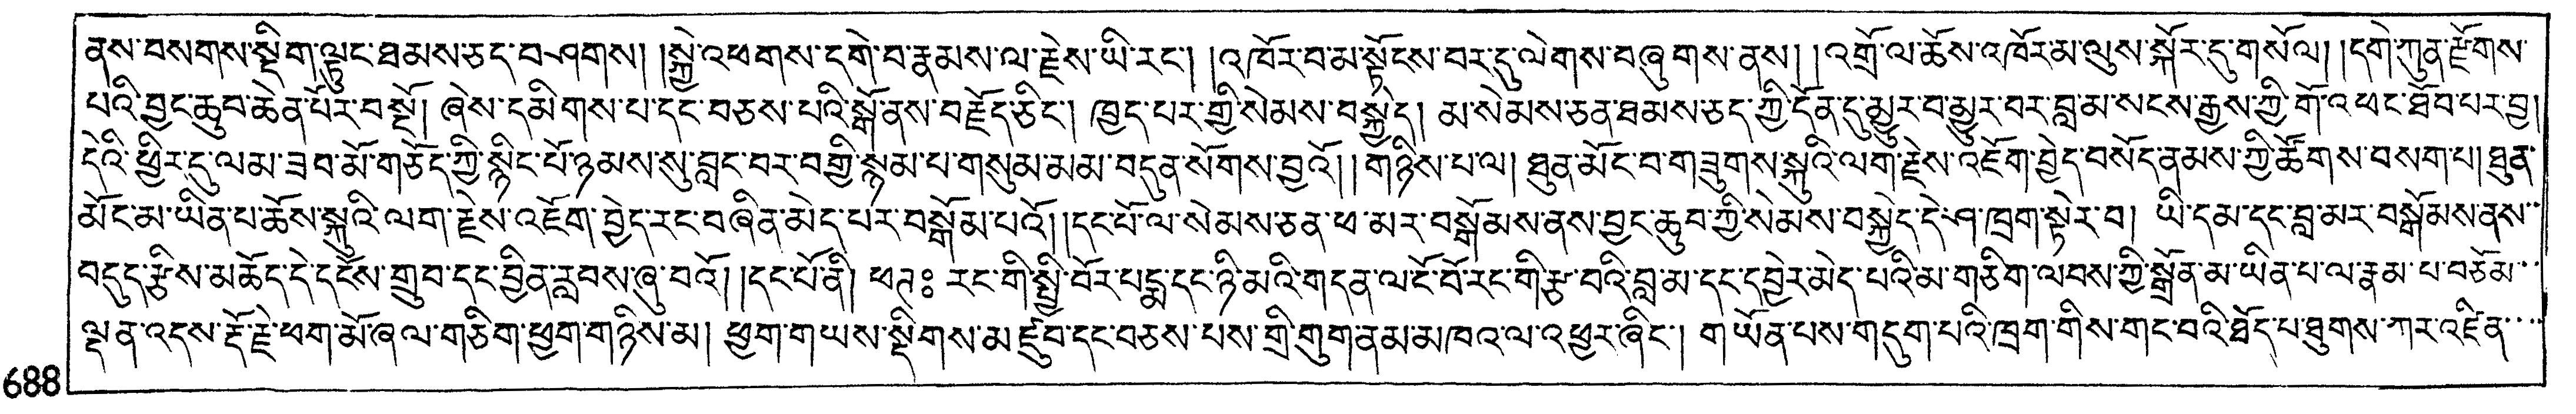ནས་བསགས་སྡིག་ལྟུང་ཐམས་ཅད་བཤགས། །སྐྱེ་འཕགས་དགེ་བ་རྣམས་ལ་རྗེས་ཡི་རང་། །འཁོར་བ་མ་སྟོངས་བར་དུ་ལེགས་བཞུགས་ནས། །འགྲོ་ལ་ཆོས་འཁོར་མ་ལུས་སྐོར་དུ་གསོལ། །དགེ་ཀུན་རྫོགས་
པའི་བྱང་ཆུབ་ཆེན་པོར་བསྔོ། ཞེས་དམིགས་པ་དང་བཅས་པའི་སྒོ་ནས་བརྗོད་ཅིང་། ཁྱད་པར་གྱི་སེམས་བསྐྱེད། མ་སེམས་ཅན་ཐམས་ཅད་ཀྱི་དོན་དུ་མྱུར་བ་མྱུར་བར་བླ་མ་སངས་རྒྱས་ཀྱི་གོ་འཕང་ཐོབ་པར་བྱ།
དེའི་ཕྱིར་དུ་ལམ་ཟབ་མོ་གཅོད་ཀྱི་སྙིང་པོ་ཉམས་སུ་བླང་བར་བགྱི་སྙམ་པ་གསུམ་མམ་བདུན་སོགས་བྱའོ། །གཉིས་པ་ལ། ཐུན་མོང་བ་གཟུགས་སྐུའི་ལག་རྗེས་འཇོག་བྱེད་བསོད་ནམས་ཀྱི་ཚོགས་བསག་པ། ཐུན་
མོང་མ་ཡིན་པ་ཆོས་སྐུའི་ལག་རྗེས་འཇོག་བྱེད་རང་བཞིན་མེད་པར་བསྒོམ་པའོ། །དང་པོ་ལ་སེམས་ཅན་ཕ་མར་བསྒོམས་ནས་བྱང་ཆུབ་ཀྱི་སེམས་བསྐྱེད་དེ་ཤ་ཁྲག་སྟེར་བ། ཡི་དམ་དང་བླ་མར་བསྒོམས་ནས་
བདུད་རྩིས་མཆོད་དེ་དངོས་གྲུབ་དང་བྱིན་རླབས་ཞུ་བའོ། །དང་པོ་ནི། ཕཊཿ རང་གི་སྤྱི་བོར་པདམ་དང་ཉི་མའི་གདན་ལ་ངོ་བོ་རང་གི་རྩ་བའི་བླ་མ་དང་དབྱེར་མེད་པའི་མ་གཅིག་ལབས་ཀྱི་སྒྲོན་མ་ཡིན་པ་ལ་རྣམ་པ་བཅོམ་
ལྡན་འདས་རྡོ་རྗེ་ཕག་མོ་ཞལ་གཅིག་ཕྱག་གཉིས་མ། ཕྱག་གཡས་སྡིགས་མཛུབ་དང་བཅས་པས་གྲི་གུག་ནམ་མཁའ་ལ་འཕྱར་ཞིང་། གཡོན་པས་གདུག་པའི་ཁྲག་གིས་གང་བའི་ཐོད་པ་ཐུགས་ཀར་འཛིན་